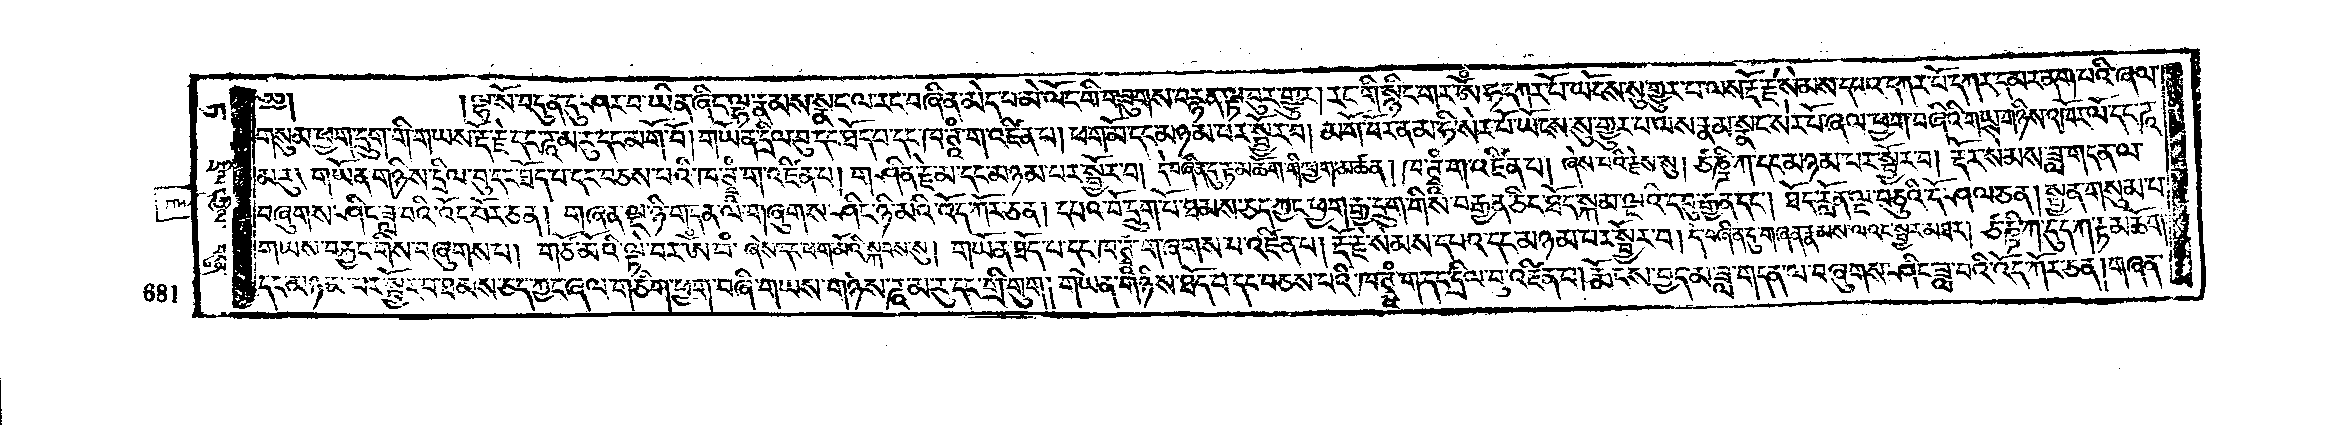༄༅། །ལྷ་སོ་བདུན་དུ་ཤར་བ་ཡིན་ཞིང་ལྷ་རྣམས་སྣང་ལ་རང་བཞིན་མེད་པ་མེ་ལོང་གི་གཟུགས་བརྙན་ལྟ་བུར་གྱུར། རང་གི་སྙིང་གར་ཨོཾ་ཧ་དཀར་པོ་ཡོངས་སུ་གྱུར་པ་ལས་རྡོ་རྗེ་སེམས་དཔའ་དཀར་པོ་དཀར་དམར་ནག་པའི་ཞལ་
གསུམ་ཕྱག་དྲུག་གི་གཡས་རྡོ་རྗེ་དང་ཌཱ་མ་རུ་དང་མགོ་བོ། གཡོན་དྲིལ་བུ་དང་ཐོད་པ་དང་ཁ་ཊཱཾ་ག་འཛིན་པ། ཕག་མོ་དང་མཉམ་པར་སྦྱོར་བ། མགོ་བོར་ན་མ་ཧི་སེར་པོ་ཡོངས་སུ་གྱུར་པ་ལས་རྣམ་སྣང་སེར་པོ་ཞལ་ཕྱག་བཞིའི་གཡས་གཉིས་འཁོར་ལོ་དང་ཌཱ་
མ་རུ། གཡོན་གྱིས་དྲིལ་བུ་དང་ཐོད་པ་དང་བཅས་པའི་ཁ་ཊྭཱཾ་ག་འཛིན་པ། གཤིན་རྗེ་མ་དང་མཉམ་པར་སྦྱོར་བ། དེ་བཞིན་དུ་རྟ་མཆོག་གི་ཕྱག་མཚན།  ཁ་ཊྭཱཾ་ག་འཛིན་པ། ཞེས་པའི་རྗེས་སུ།  ཙཎྜི་ཀ་དང་མཉམ་པར་སྦྱོར་བ། རྡོར་སེམས་ཟླ་གདན་ལ་
བཞུགས་ཤིང་ཟླ་བའི་འོད་ཀོར་ཅན། གཞན་ལྔ་ཉི་གདན་ལ་གཞུགས་ཤིང་ཉི་མའི་འོད་ཀོར་ཅན། དཔའ་བོ་དྲུག་པོ་ཐམས་ཅད་ཀྱང་ཕྱག་རྒྱ་དྲུག་གིས་བརྒྱན་ཅིང་ཐོད་སྐམ་ལྔའི་དབུ་རྒྱན་དང་། ཐོད་རློན་ལྔ་བཅུའི་དོ་ཤལ་ཅན། སྤྱན་གསུམ་པ་
གཡས་བརྐྱང་གིས་བཞུགས་པ། གཙོ་མོའི་ལྟེ་བར་ཨོཾ་བཾ་ཞེས་དང་ཕག་མོའི་སྐབས་སུ།  གཡོན་ཐོད་པ་དང་ཁ་ཊྭཱཾ་ག་ཞགས་པ་འཛིན་པ། རྡོ་རྗེ་སེམས་དཔའ་དང་མཉམ་པར་སྦྱོར་བ། དེ་བཞིན་དུ་གཞན་རྣམས་ལའང་སྦྱར་མཐར།  ཙཎྜི་ཀ་དུད་ཀ་རྟ་མཆོག་
དང་མཉམ་པར་སྦྱོར་བ་ཐམས་ཅད་ཀྱང་ཞལ་གཅིག་ཕྱག་བཞི་གཡས་གཉིས་ཌཱ་མ་རུ་དང་གྲི་གུག །གཡོན་གཉིས་ཐོད་པ་དང་བཅས་པའི་ཁ་ཊྭཱཾ་ག་དང་དྲིལ་བུ་འཛིན་པ། རྨོངས་བྱད་མ་ཟླ་གདན་ལ་བཞུགས་ཤིང་ཟླ་བའི་འོད་ཀོར་ཅན། གཞན་